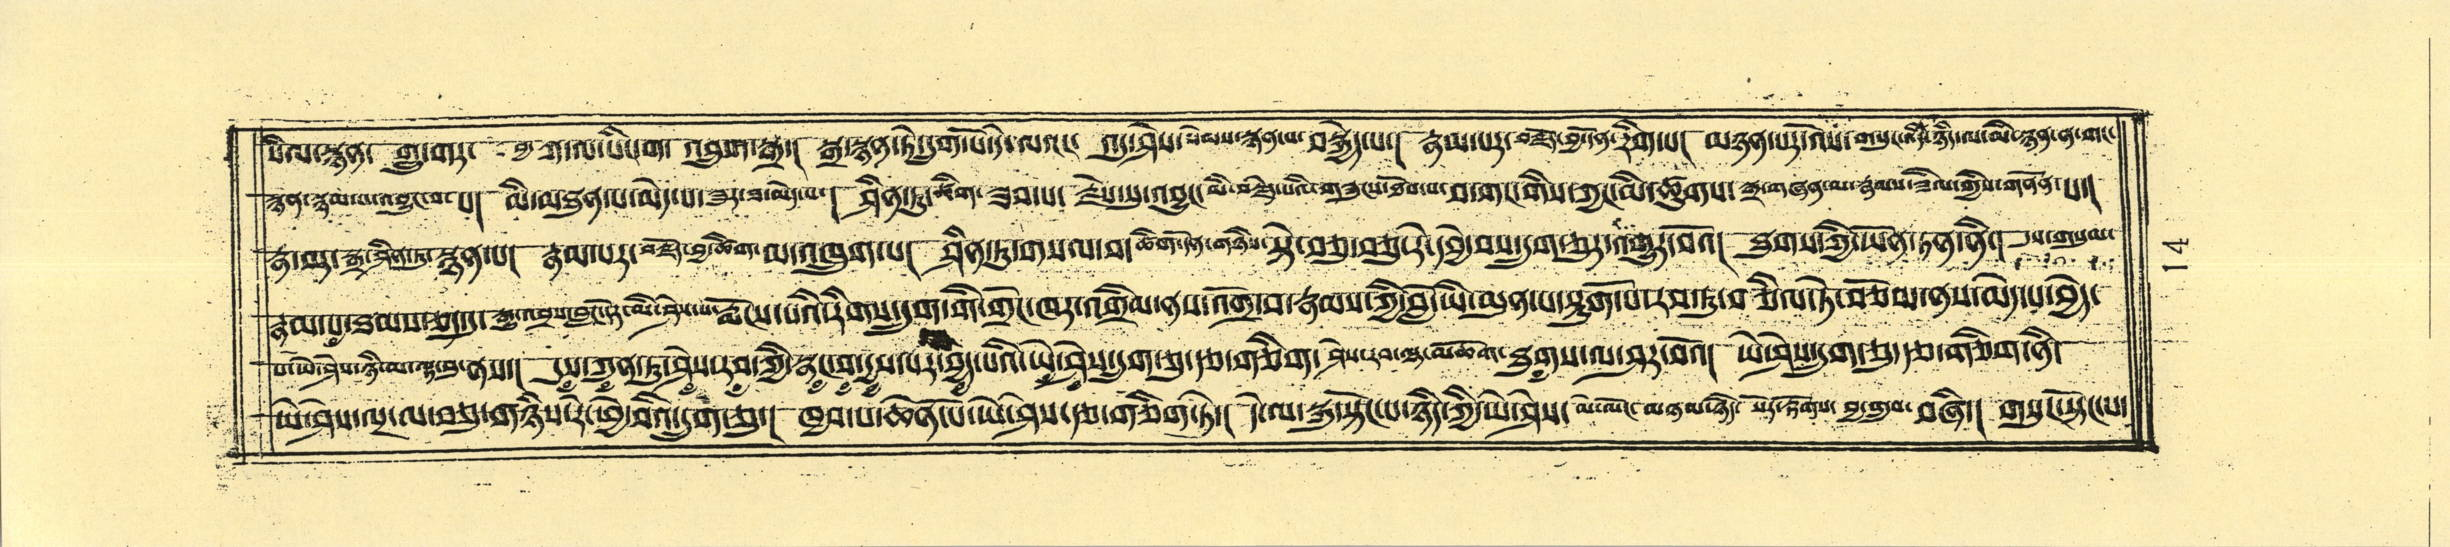སིལ་སྙན་གླུ་གར་༼བྱ༽ཀ་ལ་པིང་ཀ་འབྲུག་སྒྲ། སྒྲ་སྙན་ཏེ་དྲུག་པོ་སྟེ་དེ་ལའང་། འདུ་ཤེས་༼སེམས་སྙན་པ་༽བསྐྱེད་པ། རྣམ་པར་༼བརྗོད་བྱ་དོན་༽རིག་པ། མཉན་པར་འོས་༼གསུང་འདི་ཉིད་ལ་མི་མཉན་ན་གང་
མཉན་སྙམ་པ་འབྱུང་བ༽པ། མི་མཐུན་པ་མེད་པ་༼ཟུར་ཟ་མེད་པ༽ཤིན་ཏུ་༼ཚིག༽ཟབ་པ། རྗེས་སུ་འབྱུང་༼མི་བརྗེད་པའི་གཟུང་ཐོབ་པ༽བ་གང་གིས་ཀྱང་མི་ཚུགས་༼སྒྲ་གཞན་མ་རྣམས་ཟིལ་གྱིས་གནོན་༽པ། 
རྣ་བར་༼སྒྲ་ཤིན་ཏུ་༽སྙན་པ། རྣམ་པར་༼བརྗོད་བྱ་ཚིག༽མ་འཁྲུག་པ། ཤིན་ཏུ་གསལ་བ་༼ཚིག་དོན་གཉིས༽ཏེ་བཅུ་བཅུ་རེ་དབྱེ་བས་དྲུག་ཅུར་འགྱུར་བའོ། ཐུགས་ཀྱི་ཡོན་ཏན་ནི། དུས་གསུམ་
རྣམ་པ་ཐམས་ཅད་དུ་༼རྒྱུ་འབྲས་བླང་དོར་མི་ཤེས་པ༽རྨོངས་པའི་རིགས་དྲུག་གི་གྲོང་ཁར་འགྲིམས་ནས་འགྲོ་བ་རྣམས་ཀྱི་བློ་ཡི་མུན་པ་སྟུག་པོ་རབ་ཏུ་བཅིལ་ཏེ་བཅོམ་ནས་མེད་པ་བྱེད་
པ་ཡེ་ཤེས་ཉི་མ་ལྟ་བུ་ནས། དུས་ཀུན་ཏུ་ཤེས་རབ་ཀྱི་སྣང་བ་རྒྱས་པར་བྱེད་པའི་ཡེ་ཤེས་དྲུག་ཅུ་རྩ་གཅིག༼ཤེས་རབ་ལྷ་མཆོག༽ཐུགས་ལ་ཤར་བའོ། ཡེ་ཤེས་དྲུག་ཅུ་རྩ་གཅིག་ནི། 
ཡེ་ཤེས་ལྔ་ལ་བཅུ་གཉིས་སུ་ཕྱེ་བའི་དྲུག་ཅུ། ཁྱབ་པ་ཆེན་པོ་ཡེ་ཤེས་རྩ་གཅིག་སྟེ། དེ་ལ་སྐུ་སྟོང་པ་ཉིད་ཀྱི་ཡེ་ཤེས་༼མེ་ལོང་མཉམ་ཉིད་སོར་རྟོགས་བྱ་གྲུབ་༽བཞི། གསུང་སྟོང་པ་